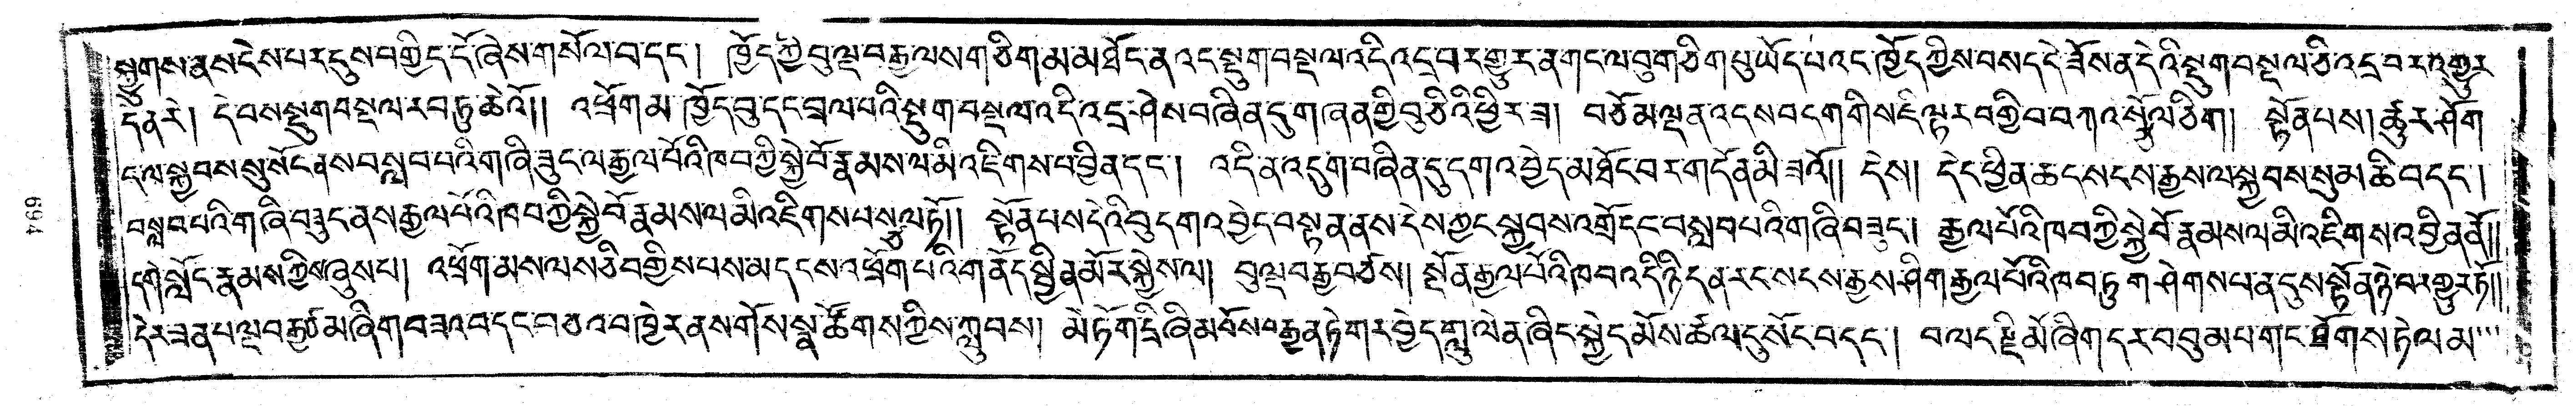སྐྱུགས་ནས་ངེས་པར་དུས་བགྱིད་དོ་ཞེས་གསོལ་བ་དང་། ཁྱོད་ཀྱི་བུ་ལྔ་བརྒྱ་ལས་གཅིག་མ་མཐོང་ནའང་སྡུག་བསྔལ་འདི་འདྲ་བར་གྱུར་ན་གང་ལ་བུ་གཅིག་པུ་ཡོད་པའང་ཁྱོད་ཀྱིས་བསད་དེ་ཟོས་ན་དེའི་སྡུག་བསྔལ་ཅི་འདྲ་བར་འགྱུར་
དེན་རེ། དེ་བས་སྡུག་བསྔལ་རབ་ཏུ་ཆེའོ།། འཕྲོག་མ་ཁྱོད་བུ་དང་བྲལ་བའི་སྡུག་བསྔལ་འདི་འདྲ་ཤེས་བཞིན་དུ་གཞན་གྱི་བུ་ཅིའི་ཕྱིར་ཟ། བཅོམ་ལྡན་འདས་བདག་གིས་ཇི་ལྟར་བགྱིབ་བཀའ་སྩོལ་ཅིག། སྟོན་པས། ཚུར་ཤོག་
ང་ལ་སྐྱབས་སུ་སོང་ནས་བསླབ་པའི་གཞི་ཟུང་ལ་རྒྱལ་པོའི་ཁབ་ཀྱི་སྐྱེ་བོ་རྣམས་ལ་མི་འཇིགས་པ་བྱིན་དང་། འདི་ན་འདུག་བཞིན་དུ་དགའ་བྱེད་མཐོང་བར་གདོན་མི་ཟའོ།། དེས། དེང་ཕྱིན་ཆད་སངས་རྒྱས་ལ་སྐྱབས་སུམ་ཆི་བ་དང་།
བསླབ་པའི་གཞི་བཟུང་ནས་རྒྱལ་པོའི་ཁབ་ཀྱི་སྐྱེ་བོ་རྣམས་ལ་མི་འཇིགས་པ་སྩལ་ཏོ། སྟོན་པས་དེའི་བུ་དགའ་བྱེད་བསྟན་ནས་དེས་ཀྱང་སྐྱབས་འགྲོ་དང་བསླབ་པའི་གཞི་བཟུང་། རྒྱལ་པོའི་ཁབ་ཀྱི་སྐྱེ་བོ་རྣམས་ལ་མི་འཇིགས་འབྱིན་ནོ།།
དགེ་སློང་རྣམས་ཀྱིས་ཞུས་པ། འཕྲོག་མས་ལས་ཅི་བགྱིས་པས་མདངས་འཕྲོག་པའི་གནོད་སྦྱིན་མོར་སྐྱེས་ལ། བུ་ལྔ་བརྒྱ་བཙས། སྔོན་རྒྱལ་པོའི་ཁབ་འདི་ཉིད་ན་རང་སངས་རྒྱས་ཤིག་རྒྱལ་པོའི་ཁབ་ཏུ་གཤེགས་པ་ན་དུས་སྟོན་ཉེ་བར་གྱུར་ཏོ།།
དེར་ཟན་པ་ལྔ་བརྒྱ་ཙམ་ཞིག་བཟའ་བ་དང་བཅའ་བ་ཁྱེར་ནས་གོས་སྣ་ཚོགས་ཀྱིས་ཀླུབས། མེ་ཏོག་དྲི་ཞིམ་བོས་བརྒྱན་ཏེ་གར་བྱེད་གླུ་ལེན་ཞིང་སྐྱེད་མོས་ཚལ་དུ་སོང་བ་དང་། བ་ལང་རྫི་མོ་ཞིག་དར་བ་བུམ་པ་གང་ཐོགས་ཏེལ་མ་